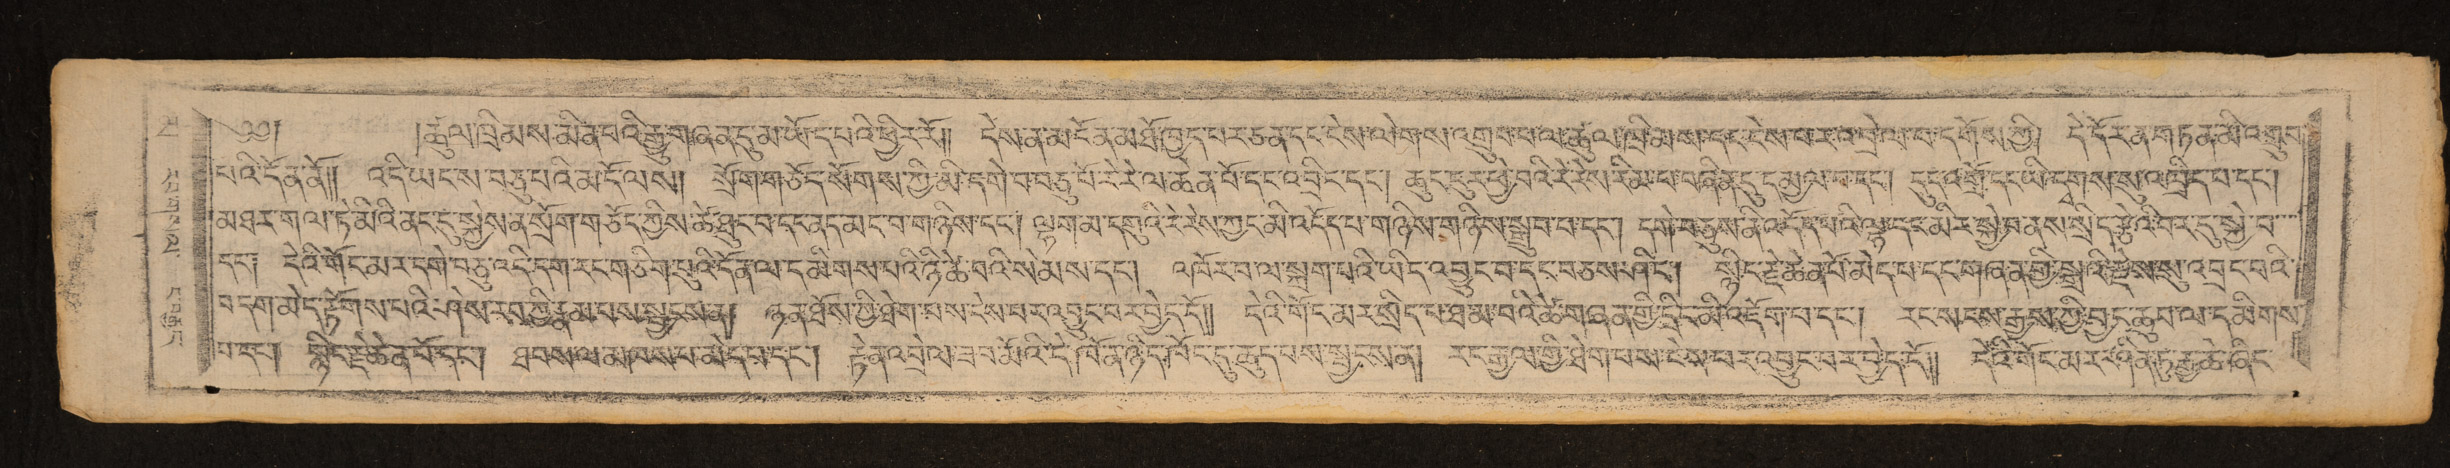༄༅། །ཚུལ་ཁྲིམས་མིན་པའི་རྒྱུ་གཞན་དུ་མ་ཡོད་པའི་ཕྱིར་རོ།། དེས་ན་མངོན་མཐོ་ཁྱད་པར་ཅན་དང་ངེས་ལེགས་འགྲུབ་པ་ལ་ཚུལ་ཁྲིམས་དང་ངེས་པར་འབྲེལ་བ་དགོས་ཀྱི། དེ་དོར་ན་གཏན་མི་འགྲུབ་
པའི་དོན་ནོ།། འདི་ཡང་ས་བཅུ་པའི་མདོ་ལས། སྲོག་གཅོད་སོགས་ཀྱི་མི་དགེ་བ་བཅུ་པོ་རེ་རེ་ལ་ཆེན་པོ་དང་འབྲིང་དང་། ཆུང་ངུར་ཕྱེ་བའི་རེ་རེས་རིམ་པ་བཞིན་དུ་དམྱལ་བ་དང་། དུད་འགྲོ་དང་ཡི་དྭགས་སུ་འཁྲིད་པ་དང་།
མཐར་གལ་ཏེ་མིའི་ནང་དུ་སྐྱེས་ན་སྲོག་གཅོད་ཀྱིས་ཚེ་ཐུང་བ་དང་ནད་མང་བ་གཉིས་དང་། ལྷག་མ་དགུའི་རེ་རེས་ཀྱང་མི་འདོད་པ་གཉིས་གཉིས་སྒྲུབ་པ་དང་། དགེ་བཅུས་ནི་འདོད་པའི་ལྷ་དང་མིར་སྐྱེ་བ་ནས་སྲིད་རྩེའི་བར་དུ་སྐྱེ་བ་
དང༑ དེའི་གོང་མར་དགེ་བཅུ་འདི་དག་རང་གཅིག་པུའི་དོན་ལ་དམིགས་པའི་ཉི་ཚེ་བའི་སེམས་དང་། འཁོར་བ་ལ་སྐྲག་པའི་ཡིད་འབྱུང་བ་དང་བཅས་ཤིང་། སྙིང་རྗེ་ཆེན་པོ་མེད་པ་དང་གཞན་གྱི་སྒྲའི་རྗེས་སུ་འབྲང་བའི་
བདག་མེད་རྟོགས་པའི་ཤེས་རབ་ཀྱི་རྣམ་པས་སྦྱངས་ན། ཉན་ཐོས་ཀྱི་ཐེག་པས་ངེས་པར་འབྱུང་བར་བྱེད་དོ།། དེའི་གོང་མར་སྲིད་པ་ཐ་མ་པའི་ཚེ་གཞན་གྱི་དྲིང་མི་འཇོག་པ་དང་། རང་སངས་རྒྱས་ཀྱི་བྱང་ཆུབ་ལ་དམིགས་
པ་དང་། སྙིང་རྗེ་ཆེན་པོ་དང་། ཐབས་ལ་མཁས་པ་མེད་པ་དང་། རྟེན་འབྲེལ་ཟབ་མོའི་དེ་ཁོ་ན་ཉིད་ཁོང་དུ་ཆུད་པས་སྦྱངས་ན། རང་རྒྱལ་གྱི་ཐེག་པས་ངེས་པར་འབྱུང་བར་བྱེད་དོ།། དེའི་གོང་མར་ཤིན་ཏུ་རྒྱ་ཆེ་ཞིང་